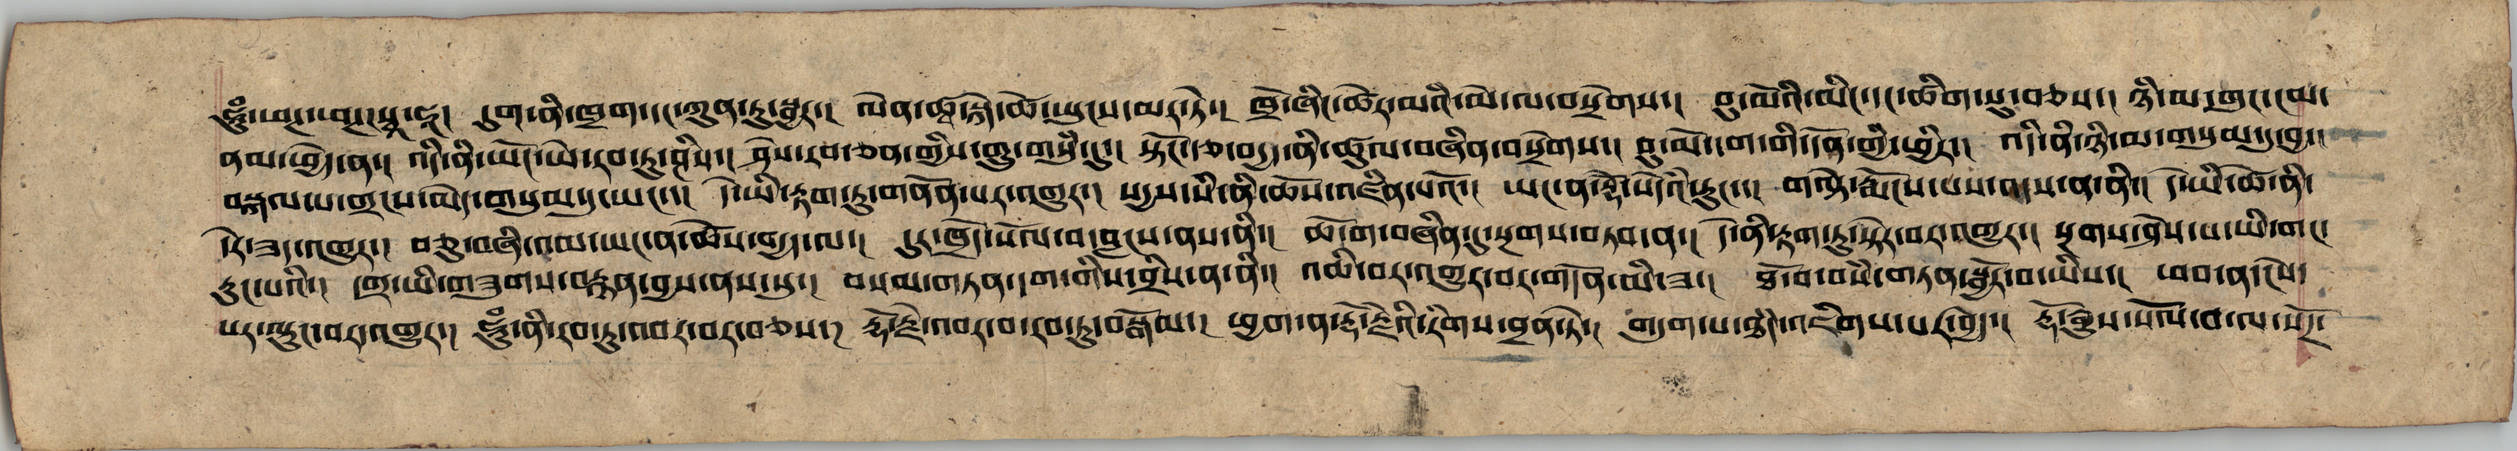ཧཱུཾ་ཕཊ་ཕཊ་སྭཱ་ཧཱ། དུག་ནི་ཁྲག་དང་ཀུན་ཏུ་སྦྱར་། ལེན་ཚྭ་སྐེ་ཚེ་ཡུངས་མར་ཏེ་། ཁྲོ་ཞིང་ཚེར་མའི་མེ་ལ་བསྲེགས་། བུ་མོའི་མིང་དང་ཚིགས་སུ་བཅས་། ཉི་མ་གུང་ངམ་
ནམ་ཕྱེད་ན་། འདི་ནི་ཡོང་ཡེ་རབ་ཏུ་ཤིས་། ཤེས་རབ་ཅན་གྱིས་གྲུ་གསུཾ་དུ་། སྟོང་རྩ་བདྱད་ནི་ཚུལ་བཞིན་བསྲེགས་། བུ་མོ་དག་གི་དོན་གྱི་ཕྱིར་། འདི་ནི་ཉི་མ་གསུམ་དུ་བྱ་།
བསྐལ་པ་གྲངས་མེད་གསུམ་དུ་ཡང་་། དེ་ཡི་རྟག་ཏུ་གནོན་པར་འགྱུར་། སདྱས་སི་ནི་ཆོས་འཛིན་པའོ་། ཡང་ན་རྡོེ་སེདའཾ་རུང་་། གལྟེ་རྨོངས་པས་འདས་ན་ནི་། དེ་ཡི་ཚེ་ནི་
དེར་ཟད་འགྱུར་། བཅུ་བཞི་འམ་ཡང་ན་ཚེས་བདྱད་ལ་། དུར་ཁྲོད་སོལ་བ་བླངས་ནས་ནི་། ཆོ་ག་བཞིན་དུ་སྔགས་བཏབ་ན་། དེ་ནི་རྟག་ཏུ་སྟེར་བར་འགྱུར་། སྔགས་ཤེས་པ་ཡི་གང་
རུང་པའི་། དགྲ་ཡི་གཟུགས་བརྙན་བྱས་ནས་སུ་། བསམ་གཏན་དག་གིས་བྲིས་ན་ནི་། འཆི་བར་འགྱུར་བར་གདོན་མི་ཟ་། ཐོ་བ་བསཾ་གཏན་སྦྱོར་བ་ཡིས་། ཕབ་ན་ངེས་
པར་ལྟུང་བར་འགྱུར་། ཧཱུཾ་ནི་རབ་ཏུ་འབར་བར་བཅས་། རྡོ་རྗེ་འབར་བ་རབ་ཏུ་བསྒོམ་། ཕྱག་ན་རྡོ་རྗེའི་རིགས་བྲན་ཏེ་། གདུག་པ་ཐཾད་འཇིགས་པར་བྱེད་། རྡོ་རྒྱུས་སོལ་བ་ལ་སོཌ་